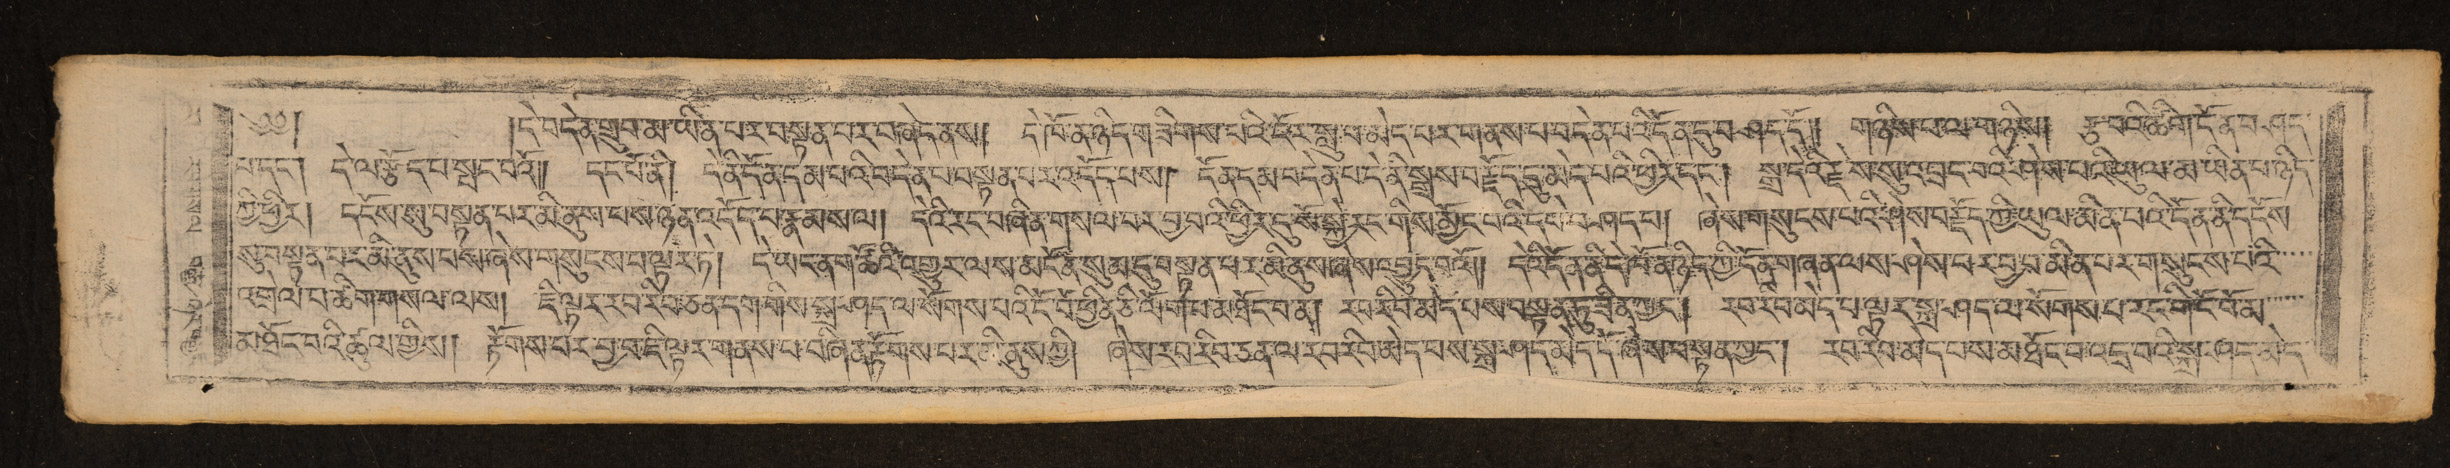༄༅། །དེ་བདེན་གྲུབ་མ་ཡིན་པར་བསྟན་པར་བཞེད་ནས། དེ་ཁོ་ན་ཉིད་གཟིགས་པའི་ངོར་སླུ་བ་མེད་པར་གནས་པ་བདེན་པའི་དོན་དུ་བཤད་དོ།། གཉིས་པ་ལ་གཉིས། རྩ་བའི་ཚིག་དོན་བཤད་
པ་དང་། དེ་ལ་རྩོད་པ་སྤང་བའོ།། དང་པོ་ནི། དེ་ནི་དོན་དམ་པའི་བདེན་པ་བསྟན་པར་འདོད་པས། དོན་དམ་བདེན་པ་དེ་ནི་སྒྲས་བརྗོད་དུ་མེད་པའི་ཕྱིར་དང་། སྒྲ་དེའི་རྗེས་སུ་འབྲང་བའི་ཤེས་པའི་ཡུལ་མ་ཡིན་པ་ཉིད་
ཀྱི་ཕྱིར། དངོས་སུ་བསྟན་པར་མི་ནུས་པས་ཉན་འདོད་པ་རྣམས་ལ། དེའི་རང་བཞིན་གསལ་བར་བྱ་བའི་ཕྱིར་དུ་སོ་སྐྱེ་རང་གིས་མྱོང་བའི་དཔེ་བཤད་པ། ཞེས་གསུངས་པའི་ཤེས་བརྗོད་ཀྱི་ཡུལ་མིན་པའི་དོན་ནི་དངོས་
སུ་བསྟན་པར་མི་ནུས་པས་ཞེས་གསུངས་པ་ལྟར་ཏེ། དེ་ཡང་ནག་ཚོའི་འགྱུར་ལས་མངོན་སུམ་དུ་བསྟན་པར་མི་ནུས་ཞེས་འབྱུང་བའོ།། དེའི་དོན་ནི་དེ་ཁོ་ན་ཉིད་ཀྱི་དོན་གཞན་ལས་ཤེས་པར་བྱ་བ་མིན་པར་གསུངས་པའི་
འགྲེལ་པ་ཚིག་གསལ་ལས། ཇི་ལྟར་རབ་རིབ་ཅན་དག་གིས་སྐྲ་ཤད་ལ་སོགས་པའི་ངོ་བོ་ཕྱིན་ཅི་ལོག་པ་མཐོང་བ་ན། རབ་རིབ་མེད་པས་བསྟན་དུ་ཟིན་ཀྱང་། རབ་རིབ་མེད་པ་ལྟར་སྐྲ་ཤད་ལ་སོགས་པ་རང་གི་ངོ་བོ་མ་
མཐོང་བའི་ཚུལ་གྱིས། རྟོགས་པར་བྱ་བ་ཇི་ལྟར་གནས་པ་བཞིན་རྟོགས་པར་མི་ནུས་ཀྱི། ཞེས་རབ་རིབ་ཅན་ལ་རབ་རིབ་མེད་པས་སྐྲ་ཤད་མེད་དོ་ཞེས་བསྟན་ཀྱང་། རབ་རིབ་མེད་པས་མཐོང་བ་འདྲ་བའི་སྐྲ་ཤད་མེད་